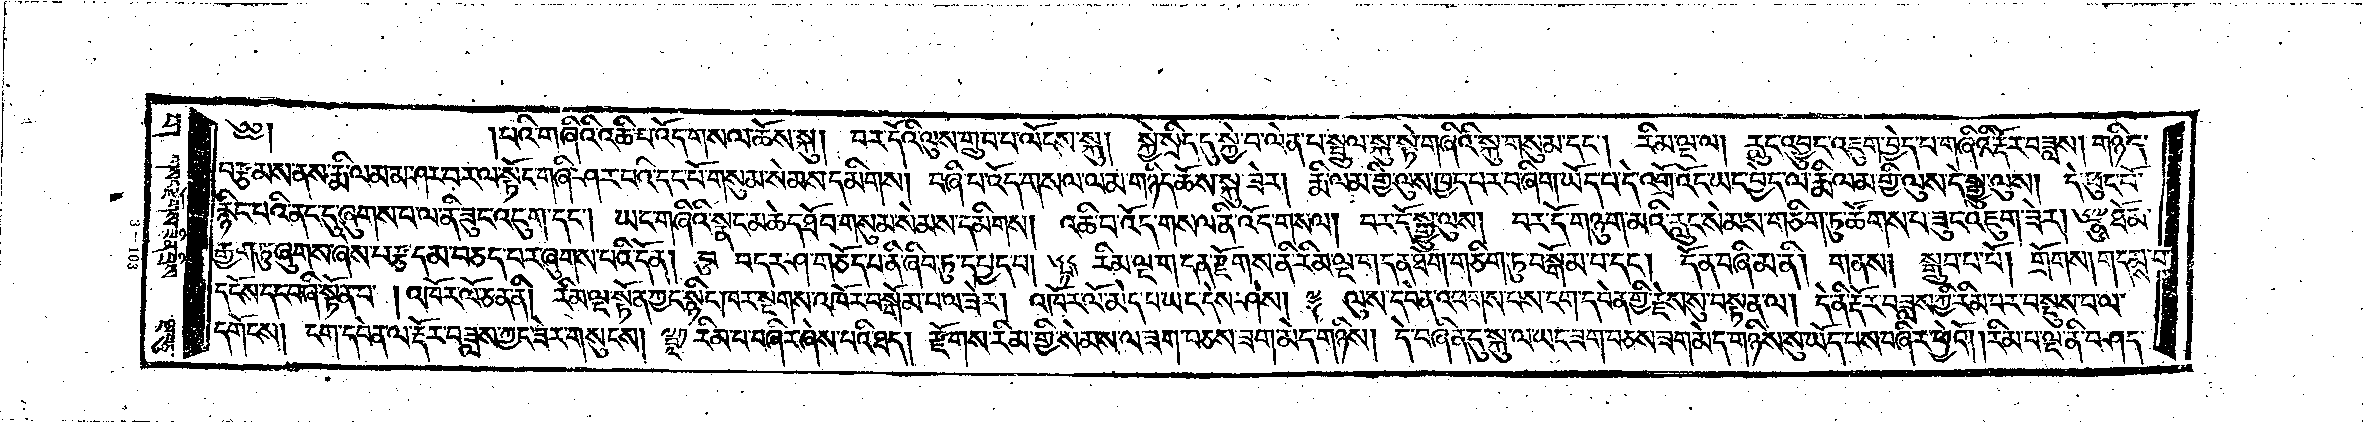༄༅། །པའི་གཞིའི་འཆི་བ་འོད་གསལ་ཆོས་སྐུ། བར་དོའི་ལུས་གྲུབ་པ་ལོངས་སྐུ། སྐྱེ་སྲིད་དུ་སྐྱེ་བ་ལེན་པ་སྤྲུལ་སྐུ་སྟེ་གཞིའི་སྐུ་གསུམ་དང་། རིམ་ལྔ་ལ། རླུང་འབྱུང་འཇུག་བྱེད་པ་གཞིའི་རྡོར་བཟླས། གཉིད་
བརྩམས་ནས་རྨི་ལམ་མ་ཤར་བར་ལ་སྟོང་གཞི་ཤར་བའི་དང་པོ་གསུམ་སེམས་དམིགས། བཞི་པ་འོད་གསལ་ལམ་གཉིད་ཆོས་སྐུ་ཟེར། རྨི་ལམ་གྱི་ལུས་ཁྱད་པར་བཞིག་ཡོད་པ་དེ་འགྲོ་འོད་ཡང་བྱེད་ལ་རྨི་ལམ་གྱི་ལུས་དེ་སྒྱུ་ལུས། དེ་ཕུང་པོ་
རྙིང་པའི་ནང་དུ་ཞུགས་པ་ལ་ནི་ཟུང་འཇུག་དང་། ཡང་གཞིའི་སྣང་མཆེད་ཐོབ་གསུམ་སེམས་དམིགས། འཆི་བ་འོད་གསལ་ནི་འོད་གསལ། བར་དོ་སྒྱུ་ལུས། བར་དོ་གཉུག་མའི་རླུང་སེམས་གཅིག་ཏུ་ཚོགས་པ་ཟུང་འཇུག་ཟེར། ༦༧་ཐོམ་
རྒྱག་ཏུ་ཞུགས་ཞེས་པ་རྩ་དམ་བཅད་པར་ཞུགས་པའི་དོན། བདར་ཤ་གཅོད་པ་ནི་ཞིབ་ཏུ་དཔྱད་པ། ༦༨་རིམ་ལྔག་གདན་རྫོགས་ནི་རིམ་ལྔ་གདན་ཐོག་གཅིག་ཏུ་བསྒོམ་པ་དང་། དོན་བཞི་མ་ནི། གནས། སྒྲུབ་པ་པོ། གྲོགས། གདམས་པ་
དངོས་དང་བཞི་སྟོང་པ། འཁོར་ལོ་ཅན་ནི། རིམ་ལྔ་སྟོན་ཀྱང་སྙིང་ཁར་སྔགས་འཁོར་བསྒོམ་པ་ལ་ཟེར། འཁོར་ལོ་མེད་པ་ཡང་དེས་ཤེས། ༈ ལུས་དབེན་འཕགས་པས་ངག་དབེན་གྱི་རྗེས་སུ་བསྟན་ལ། དེ་ནི་རྡོར་བཟླས་ཀྱི་རིམ་པར་བསྡུས་པ་ལ་
དགོངས། ངག་དབེན་ལ་རྡོར་བཟླས་ཀྱང་ཟེར་གསུངས། རིམ་པ་བཞིར་ཞེས་པའི་ཐད། རྫོགས་རིམ་གྱི་སེམས་ལ་ཟག་བཅས་ཟག་མེད་གཉིས། དེ་བཞིན་དུ་སླུ་ལ་ཡང་ཟག་བཅས་ཟག་མེད་གཉིས་སུ་ཡོད་པས་བཞིར་ཕྱེའོ། །རིམ་པ་ལྔ་ནི་བཤད་